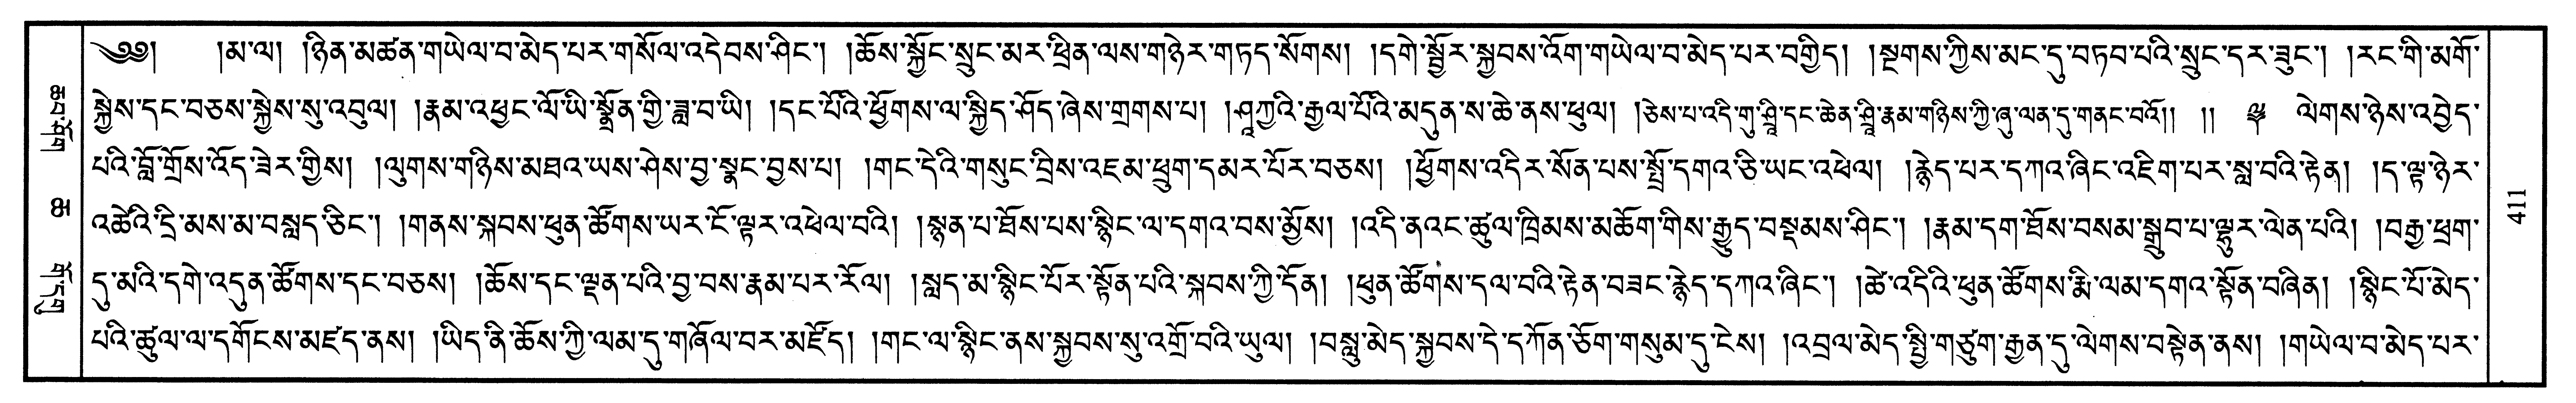༄༅། །མ་ལ། །ཉིན་མཚན་གཡེལ་བ་མེད་པར་གསོལ་འདེབས་ཤིང་། །ཆོས་སྐྱོང་སྲུང་མར་ཕྲིན་ལས་གཉེར་གཏད་སོགས། །དགེ་སྦྱོར་སྐྱབས་འོག་གཡེལ་བ་མེད་པར་བགྱིད། །སྔགས་ཀྱིས་མང་དུ་བཏབ་པའི་སྲུང་དར་ཟུང་། །རང་གི་མགོ་
སྐྱེས་དང་བཅས་སྐྱེས་སུ་འབུལ། །རྣམ་འཕྱང་ལོ་ཡི་སྣྲོན་གྱི་ཟླ་བ་ཡི། །དང་པོའི་ཕྱོགས་ལ་སྐྱིད་ཤོད་ཞེས་གྲགས་པ། །ཤཱཀྱའི་རྒྱལ་པོའི་མདུན་ས་ཆེ་ནས་ཕུལ། །ཅེས་པ་འདི་གུ་ཤྲཱི་དང་ཆེན་ཤྲཱི་རྣམ་གཉིས་ཀྱི་ཞུ་ལན་དུ་གནང་བའོ།། །། ༈ ལེགས་ཉེས་འབྱེད་
པའི་བློ་གྲོས་འོད་ཟེར་གྱིས། །ལུགས་གཉིས་མཐའ་ཡས་ཤེས་བྱ་སྣང་བྱས་པ། །གང་དེའི་གསུང་བྲིས་འཇམ་ཕྲུག་དམར་པོར་བཅས། །ཕྱོགས་འདིར་སོན་པས་སྤྲོ་དགའ་ཅི་ཡང་འཕེལ། །རྙེད་པར་དཀའ་ཞིང་འཇིག་པར་སླ་བའི་རྟེན། །ད་ལྟ་ཉེར་
འཚེའི་དྲི་མས་མ་བསླད་ཅིང་། །གནས་སྐབས་ཕུན་ཚོགས་ཡར་ངོ་ལྟར་འཕེལ་བའི། །སྙན་པ་ཐོས་པས་སྙིང་ལ་དགའ་བས་མྱོས། །འདི་ནའང་ཚུལ་ཁྲིམས་མཆོག་གིས་རྒྱུད་བསྡམས་ཤིང་། །རྣམ་དག་ཐོས་བསམ་སྒྲུབ་པ་ལྷུར་ལེན་པའི། །བརྒྱ་ཕྲག་
དུ་མའི་དགེ་འདུན་ཚོགས་དང་བཅས། །ཆོས་དང་ལྡན་པའི་བྱ་བས་རྣམ་པར་རོལ། །སླད་མ་སྙིང་པོར་སྟོན་པའི་སྐབས་ཀྱི་དོན། །ཕུན་ཚོགས་དལ་བའི་རྟེན་བཟང་རྙེད་དཀའ་ཞིང་། །ཚེ་འདིའི་ཕུན་ཚོགས་རྨི་ལམ་དགའ་སྟོན་བཞིན། །སྙིང་པོ་མེད་
པའི་ཚུལ་ལ་དགོངས་མཛད་ནས། །ཡིད་ནི་ཆོས་ཀྱི་ལམ་དུ་གཞོལ་བར་མཛོད། །གང་ལ་སྙིང་ནས་སྐྱབས་སུ་འགྲོ་བའི་ཡུལ། །བསླུ་མེད་སྐྱབས་དེ་དཀོན་ཅོག་གསུམ་དུ་ངེས། །འབྲལ་མེད་སྤྱི་གཙུག་རྒྱན་དུ་ལེགས་བསྟེན་ནས། །གཡེལ་བ་མེད་པར་